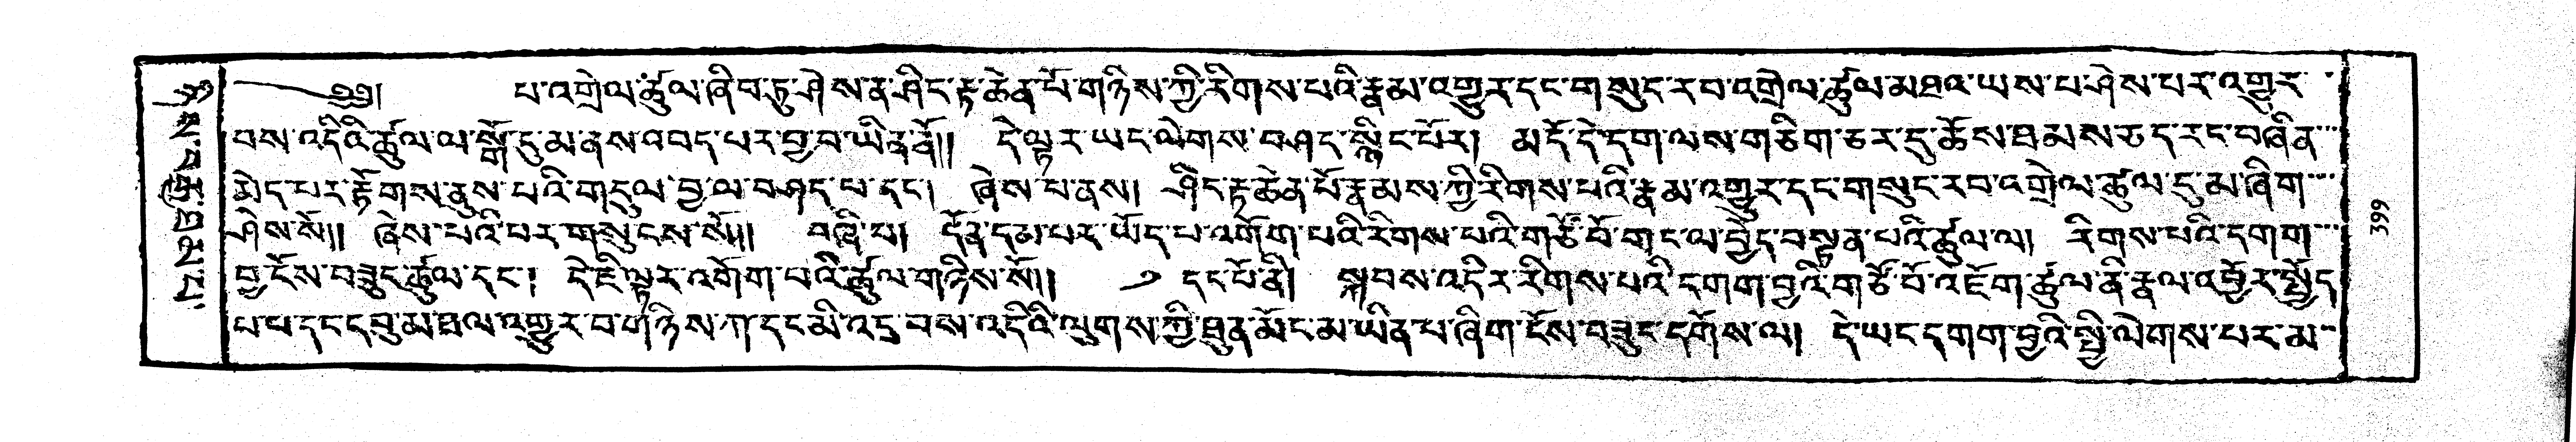༄༅། །པ་འགྲེལ་ཚུལ་ཞིབ་ཏུ་ཤེས་ན་ཤིང་རྟ་ཆེན་པོ་གཉིས་ཀྱི་རིགས་པའི་རྣམ་འགྱུར་དང་གསུང་རབ་འགྲེལ་ཚུལ་མཐའ་ཡས་པ་ཤེས་པར་འགྱུར་
པས་འདིའི་ཚུལ་ལ་སྒོ་དུ་མ་ནས་འབད་པར་བྱ་བ་ཡིན་ནོ།། དེ་ལྟར་ཡང་ལེགས་བཤད་སྙིང་པོར། མདོ་དེ་དག་ལས་གཅིག་ཅར་དུ་ཆོས་ཐམས་ཅད་རང་བཞིན་
མེད་པར་རྟོགས་ནུས་པའི་གདུལ་བྱ་ལ་བཤད་པ་དང་། ཞེས་པ་ནས། ཤིང་རྟ་ཆེན་པོ་རྣམས་ཀྱི་རིགས་པའི་རྣམ་འགྱུར་དང་གསུང་རབ་འགྲེལ་ཚུལ་དུ་མ་ཞིག་
ཤེས་སོ།། ཞེས་པའི་བར་གསུངས་སོ།། བཞི་པ། དོན་དམ་པར་ཡོད་པ་འགོག་པའི་རིགས་པའི་གཙོ་བོ་གང་ལ་བྱེད་བསྟན་པའི་ཚུལ་ལ། རིགས་པའི་དགག་
བྱ་ངོས་བཟུང་ཚུལ་དང་། དེ་ཇི་ལྟར་འགོག་པའི་ཚུལ་གཉིས་སོ།། ༡་དང་པོ་ནི། སྐབས་འདིར་རིགས་པའི་དགག་བྱའི་གཙོ་བོ་འཇོག་ཚུལ་ནི་རྣལ་འབྱོར་སྤྱོད་
པ་བ་དང་དབུ་མ་ཐལ་འགྱུར་བ་གཉིས་ཀ་དང་མི་འདྲ་བས་འདིའི་ལུགས་ཀྱི་ཐུན་མོང་མ་ཡིན་པ་ཞིག་ངོས་བཟུང་དགོས་ལ། དེ་ཡང་དགག་བྱའི་སྤྱི་ལེགས་པར་མ་